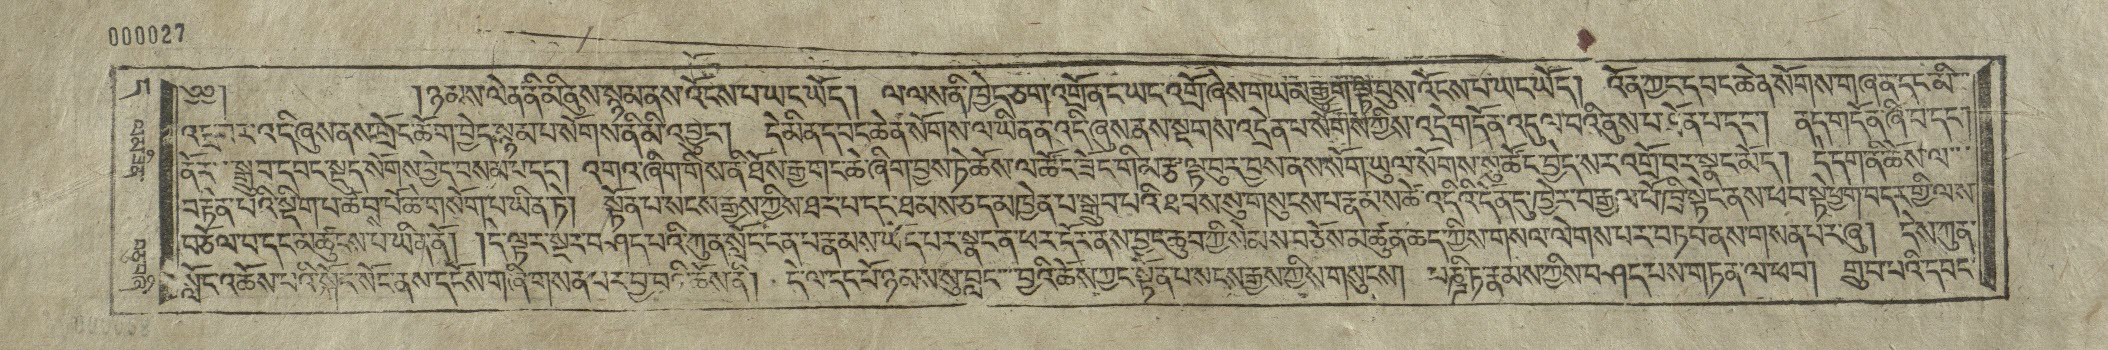༄༅། །ཉམས་ལེན་ནི་མི་ནུས་སྙམ་ནས་འོངས་པ་ཡང་ཡོད། ལ་ལས་ནི་ཁྱེད་ཅག་འགྲོ་ན་ང་ཡང་འགྲོ་ཞེས་གཡམ་རྒྱུག་ལྟ་བུས་འོངས་པ་ཡང་ཡོད། འོན་ཀྱང་དབང་ཆེན་སོགས་གཞན་དང་མི་
འདྲ་བར་འདི་ཞུས་ནས་གྲོང་ཆོག་བྱེད་སྙམ་པ་སོགས་ནི་མི་འབྱུང་། དེ་མིན་དབང་ཆེན་སོགས་ལ་ཡིན་ན་འདི་ཞུས་ནས་སྔགས་འདྲེན་པ་སོགས་ཀྱིས་འདྲེ་གདོན་འདུལ་བའི་ནུས་པ་ཐོན་པ་དང་། ནད་གདོན་ཞི་བ་དང་།
ནོར་སྒྲུབ་དབང་སྡུད་སོགས་བྱེད་བསམ་པ་དང་། འགའ་ཞིག་གིས་ནི་ཐོས་རྒྱ་གང་ཆེ་ཞིག་བྱས་ཏེ་ཆོས་ལ་ཚོང་ཟོང་གི་མ་རྩ་ལྟ་བུར་བྱས་ནས་སོག་ཡུལ་སོགས་སུ་ཚོང་བྱེད་སར་འགྲོ་བར་སྣང་མེད། དེ་དག་ནི་ཆོས་ལ་
བརྟེན་པའི་སྡིག་པ་ཚབས་པོ་ཆེ་གསོག་པ་ཡིན་ཏེ། སྟོན་པ་སངས་རྒྱས་ཀྱིས་ཐར་པ་དང་ཐམས་ཅད་མཁྱེན་པ་སྒྲུབ་པའི་ཐབས་སུ་གསུངས་པ་རྣམས་ཚེ་འདིའི་དོན་དུ་ཁྱེར་བ་རྒྱལ་པོ་ཁྲི་སྟེང་ནས་ཕབ་སྟེ་ཕྱག་བདར་གྱི་ལས་
བཅོལ་བ་དང་མཚུངས་པ་ཡིན་ནོ། །དེ་ལྟར་སྔར་བཤད་པའི་ཀུན་སློང་ངན་པ་རྣམས་ཡོད་པར་སྣང་ན་ཕར་དོར་ནས་བྱང་ཆུབ་ཀྱི་སེམས་བཅོས་མ་ཚུན་ཆད་ཀྱིས་གསལ་ལེགས་པར་བཏབ་ནས་གསན་པར་ཞུ། དེས་ཀུན་
སློང་འཆོས་པའི་སྐོར་སོང་ནས་དངོས་གཞི་གསན་པར་བྱ་བའི་ཆོས་ནི། དེ་ལ་དང་པོ་ཉམས་སུ་བླང་བྱའི་ཆོས་ཀྱང་སྟོན་པ་སངས་རྒྱས་ཀྱིས་གསུངས། པཎྜི་ཏ་རྣམས་ཀྱིས་བཤད་པས་གཏན་ལ་ཕབ། གྲུབ་པའི་དབང་